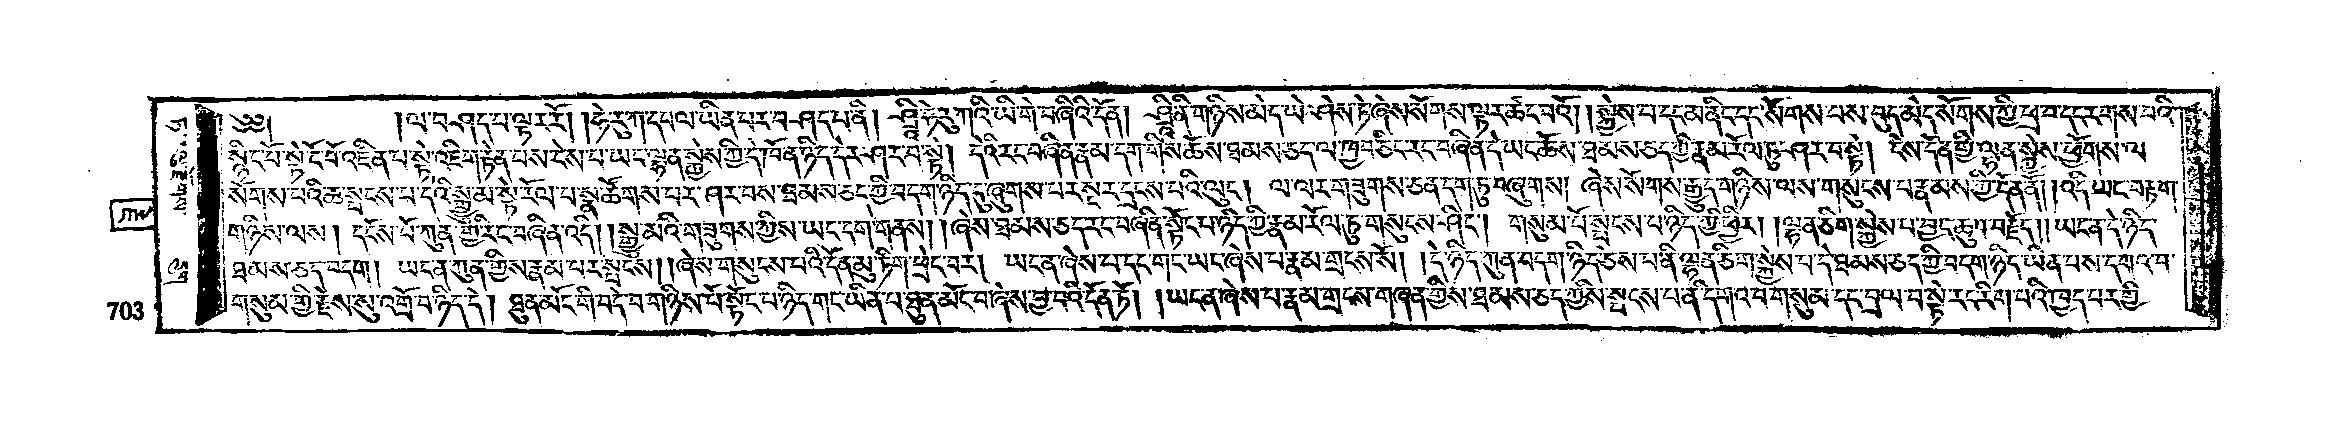༄༅། །ལ་བཤད་པ་ལྟར་རོ། །ཧེ་རུ་ཀ་དཔལ་ཡིན་པར་བཤད་པ་ནི། ཤྲཱི་ཧེ་རུ་ཀའི་ཡི་གེ་བཞིའི་དོན། ཤྲཱི་ནི་གཉིས་མེད་ཡེ་ཤེས་ཏེ་ཞེས་སོགས་ལྟར་ཚང་བའོ། །སྐྱེས་པ་དང་མ་ནིང་དང་སོགས་པས་བུད་མེད་སོགས་ཀྱི་ཕྲ་བ་དང་རགས་པའི་
སྙིང་པོ་སྟེ་ངོ་བོ་འཛིན་པ་སྟེ་འཇིག་རྟེན་པས་ངེས་པ་ཡང་ལྷན་སྐྱེས་ཀྱི་དེ་ཁོ་ན་ཉིད་དེར་ཤར་བ་སྟེ། དེའི་རང་བཞིན་རྣམ་དག་གིས་ཆོས་ཐམས་ཅད་ལ་ཁྱབ་ཅིང་རང་བཞིན་དེ་ཡང་ཆོས་ཐམས་ཅད་ཀྱི་རྣམ་རོལ་ཏུ་ཤར་བ་སྟེ། ངེས་དོན་གྱི་ལྷན་སྐྱེས་ཕྱོགས་ལ་
སོགས་པའི་ཆ་སྤངས་པ་དེའི་སྒྱུ་མ་སྟེ་རོལ་པ་སྣ་ཚོགས་པར་ཤར་བས་ཐམས་ཅད་ཀྱི་བདག་ཉིད་དུ་ཞུགས་པར་སྔར་དྲངས་པའི་ལུང་། ལ་ལར་གཟུགས་ཅན་དག་ཏུ་བཞུགས། ཞེས་སོགས་རྒྱུད་གཉིས་ལས་གསུངས་པ་རྣམས་ཀྱི་དོན་ནོ། །འདི་ཡང་བརྟག་
གཉིས་ལས། དངོས་པོ་ཀུན་གྱི་རང་བཞིན་འདི། །སྒྱུ་མའི་གཟུགས་ཀྱིས་ཡང་དག་གནས། །ཞེས་ཐམས་ཅད་རང་བཞིན་སྟོང་པ་ཉིད་ཀྱི་རྣམ་རོལ་ཏུ་གསུངས་ཤིང་། གསུམ་པོ་སྤངས་པ་ཉིད་ཀྱི་ཕྱིར། །ལྷན་ཅིག་སྐྱེས་པ་བྱང་ཆུབ་བརྗོད། །ཡང་ན་དེ་ཉིད་
ཐམས་ཅད་བདག །ཡང་ན་ཀུན་གྱིས་རྣམ་པར་སྤངས། །ཞེས་གསུངས་པའི་དོན་མུ་ཏིག་ཕྲེང་བར། ཡང་ན་ཞེས་པ་དང་གང་ཡང་ཞེས་པ་རྣམ་གྲངས་སོ། །དེ་ཉིད་ཀུན་བདག་ཉིད་ཅེས་པ་ནི་ལྷན་ཅིག་སྐྱེས་པ་དེ་ཐམས་ཅད་ཀྱི་བདག་ཉིད་ཡིན་པས་དགའ་བ་
གསུམ་གྱི་རྗེས་སུ་འགྲོ་བ་ཉིད་དེ། ཐུན་མོང་གི་བདེ་བ་གཉིས་པོ་སྟོང་པ་ཉིད་གང་ཡིན་པ་ཐུན་མོང་བ་ཞེས་བྱ་བའི་དོན་ཏོ། །ཡང་ན་ཞེས་པ་རྣམ་གྲངས་གཞན་གྱིས་ཐམས་ཅད་ཀྱིས་སྤངས་པ་ནི་དགའ་བ་གསུམ་དང་བྲལ་བ་སྟེ་རང་རིག་པའི་ཁྱད་པར་གྱི་